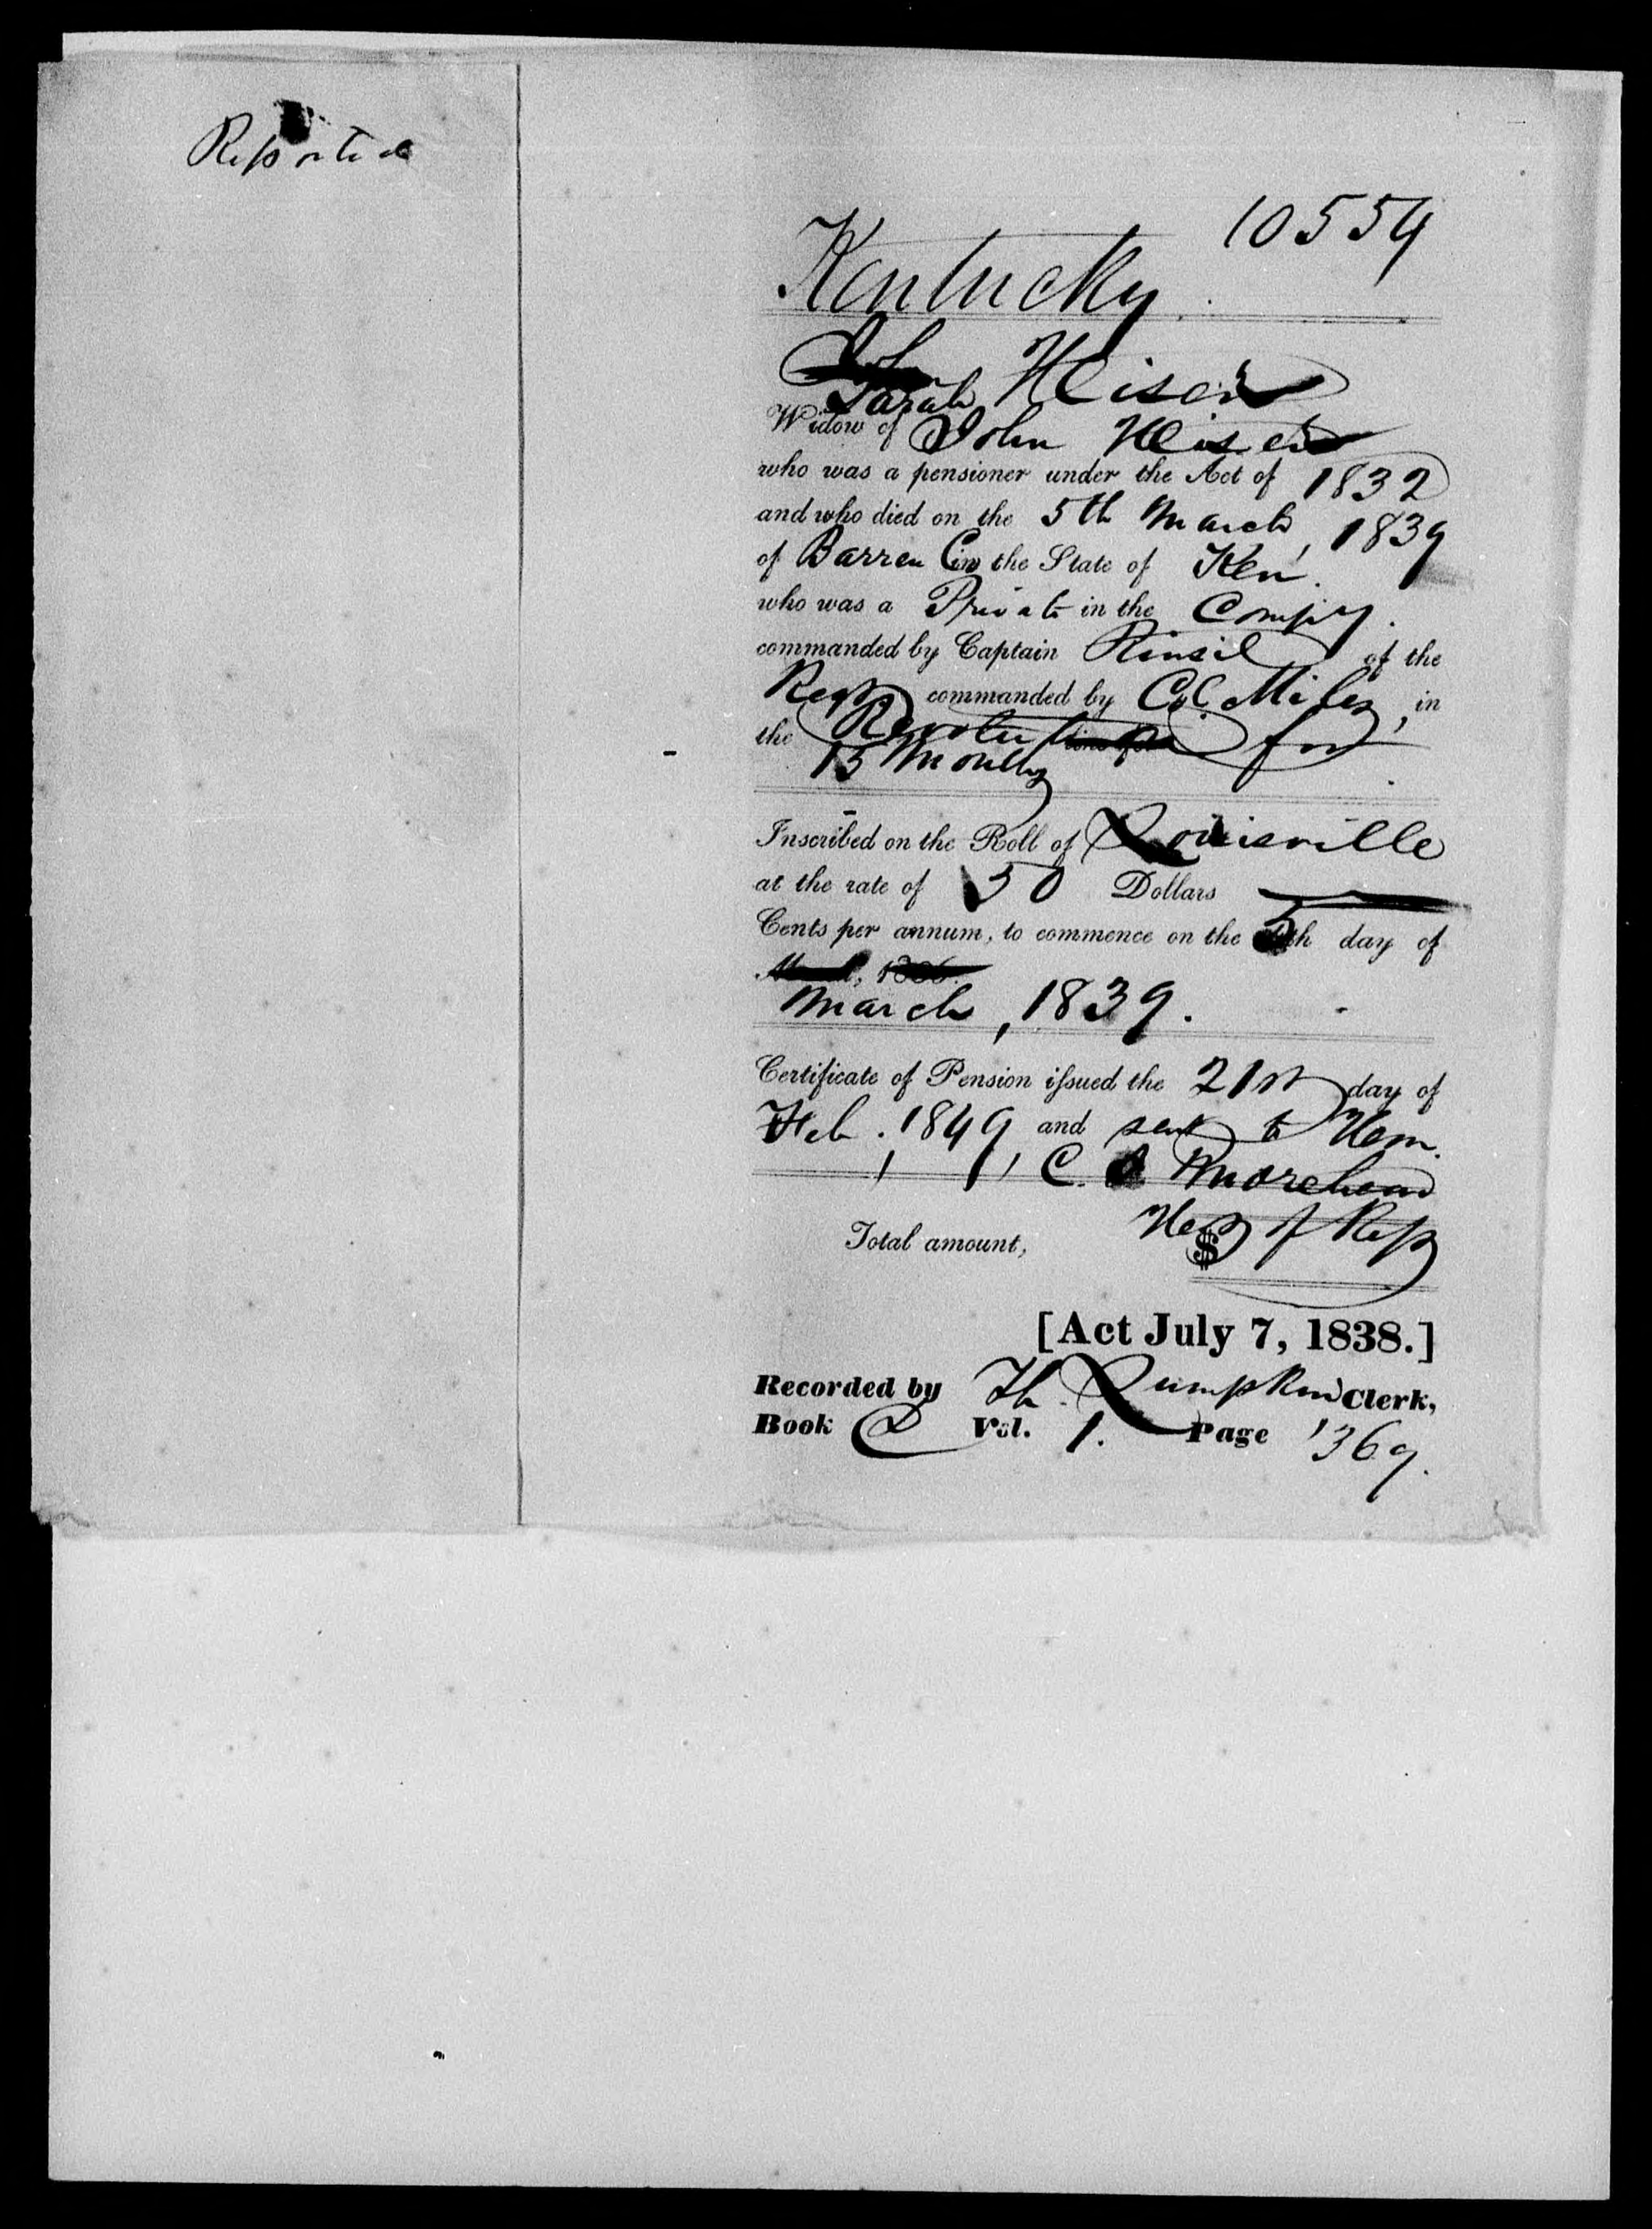Reported

Kentucky  10554

Sarah Heiser [Hiser]
Widow of John Heiser [Hiser]
who was a pensioner under the Act of 1832
and who died on the 5th March, 1839
of Barren Co the State of Ken.
who was a Private in the Compy
commanded by Captain Rinsil of the
Regt commanded by Col Miles in
the Revolution for 15 Months
Inscribed on the Roll of Louisville
at the rate of 50 Dollars -
Cents per annum, to commence on the 5th day of March, 1839.
Certificate of Pension issued the 21st day of
Feb. 1849 and sent to Hem
C. Morehead
Hos of Rep
Act July 7, 1838.
Recorded by Th. Sumpkin Clerk
Book D Vol. 1. Page 369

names: Sarah Hiser, C S Morehead, John Hiser, Rinsil, Th Lumpkin, Miles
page: 13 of 58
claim: widow's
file: W. 8932, John Hiser, Penn.